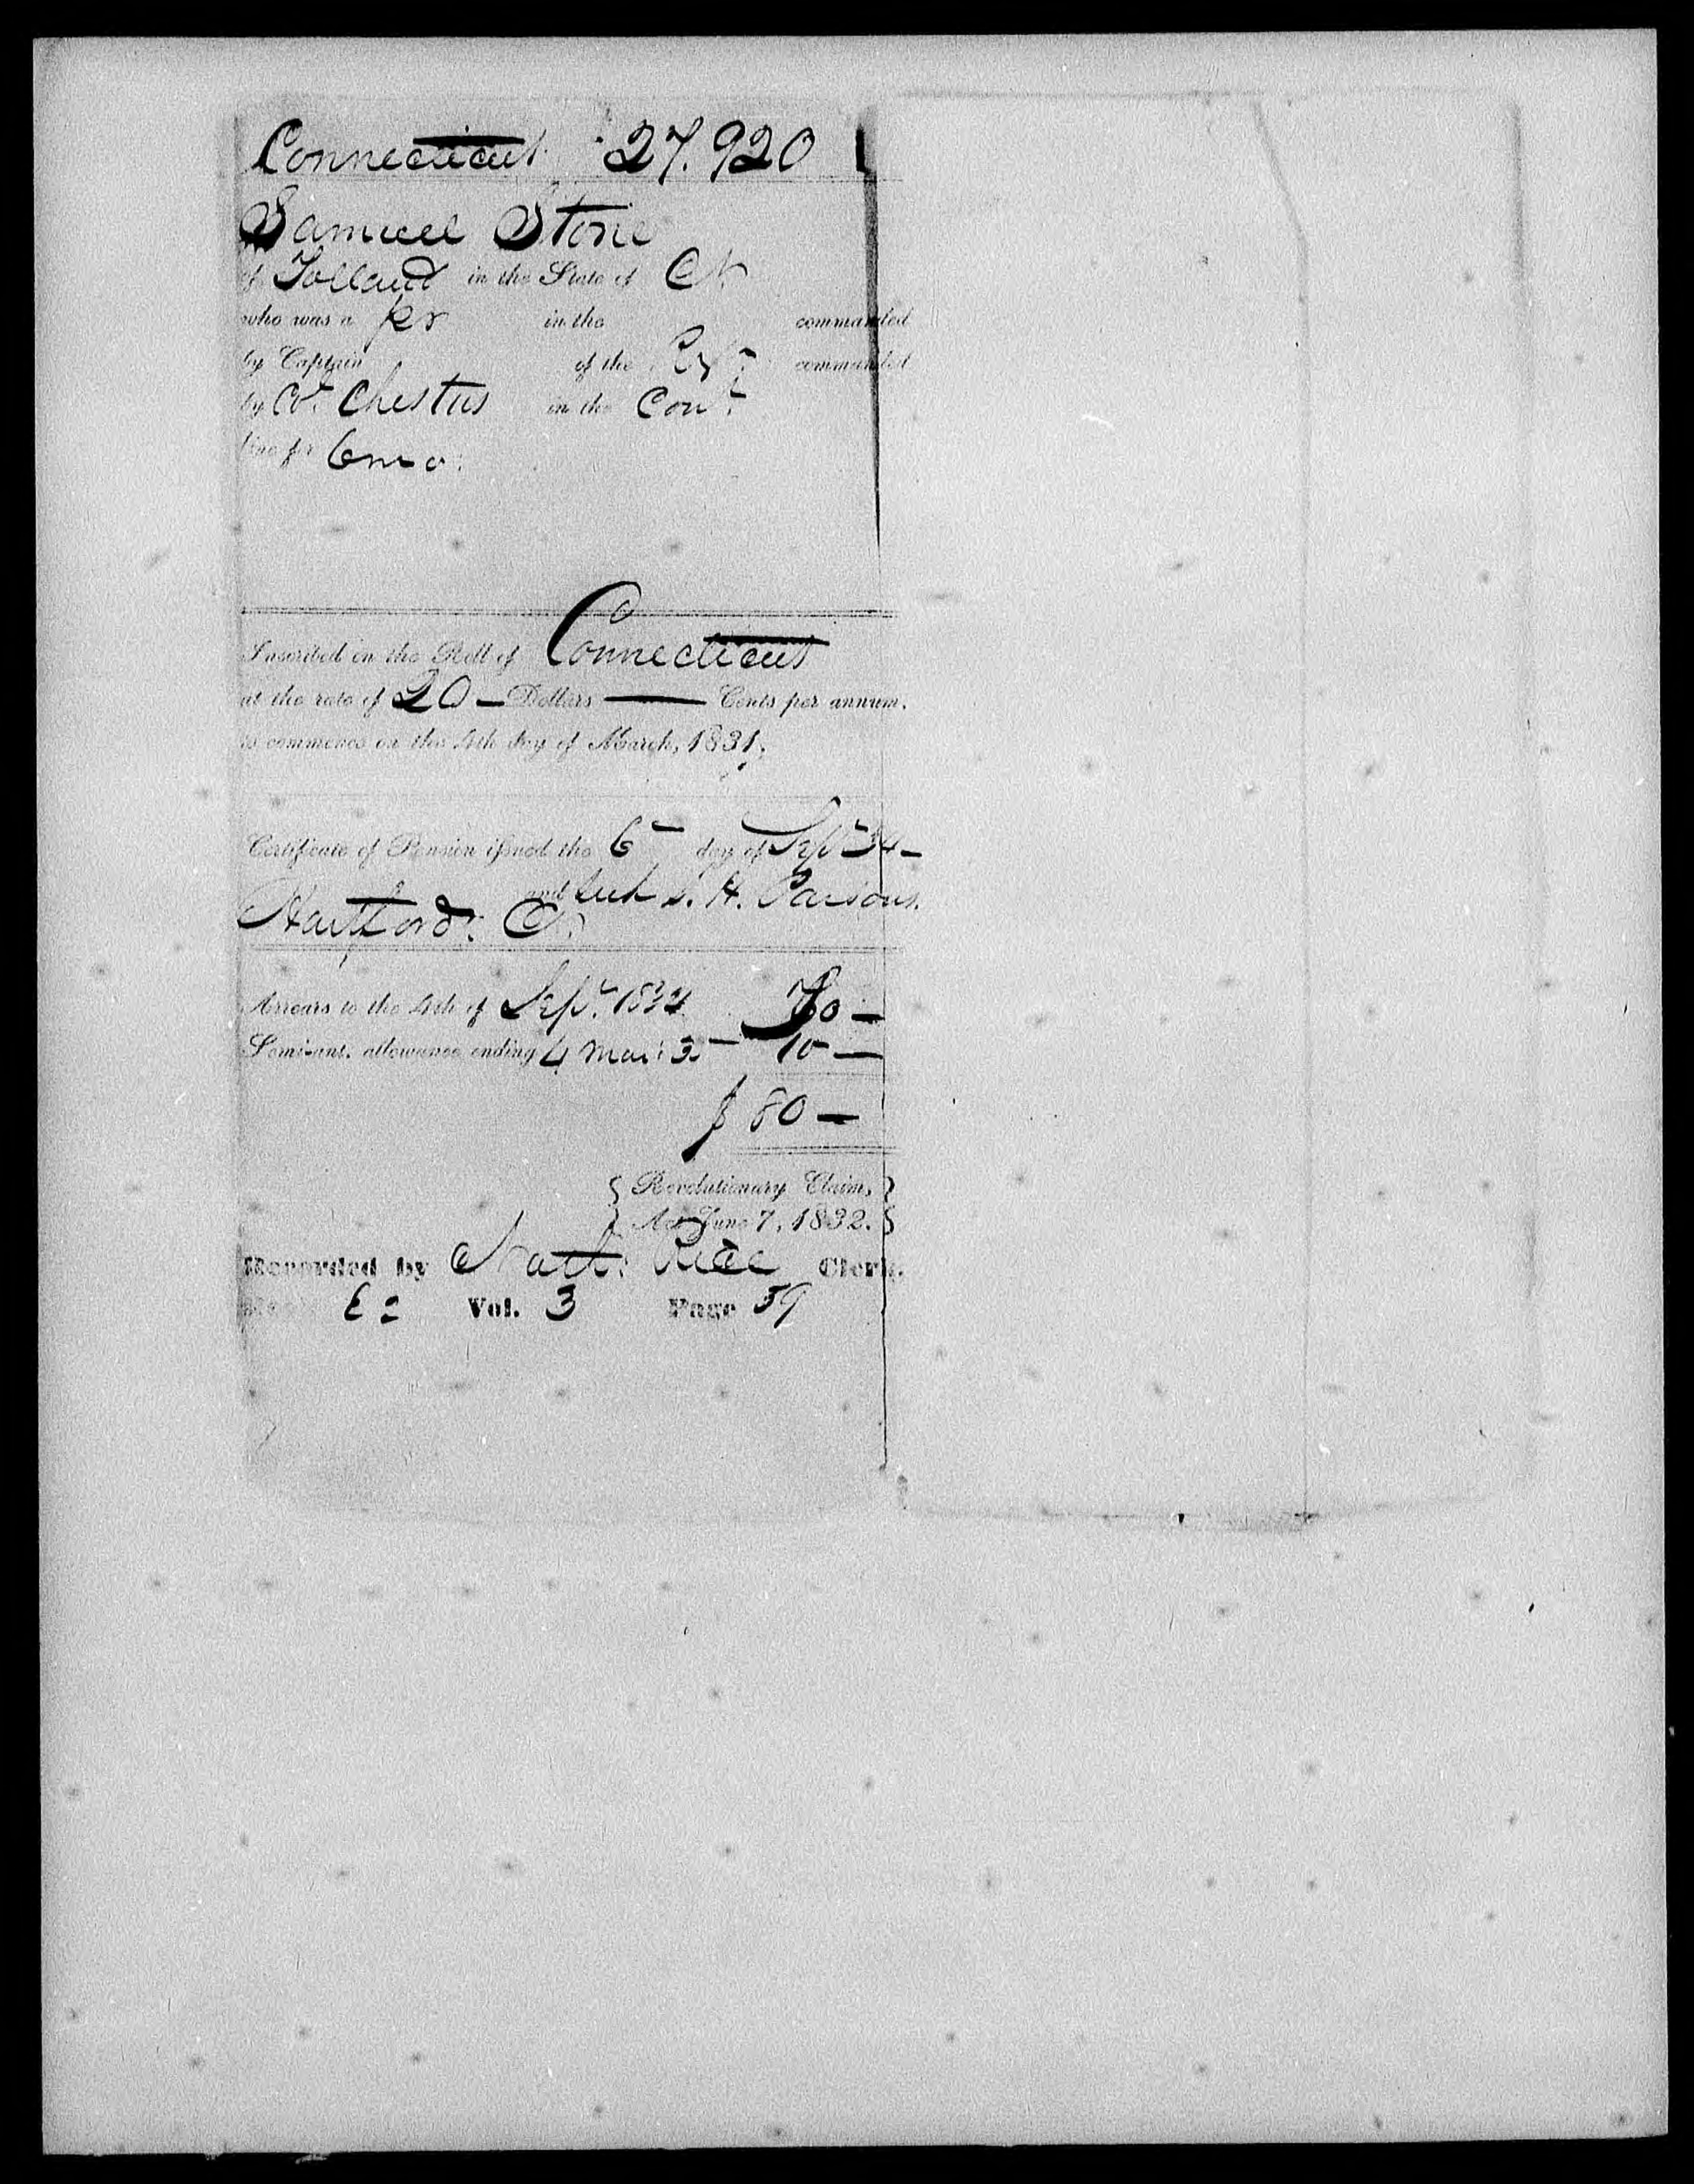Connecticut 27.920

Samuel Stone
of Tolland in the state of Ct
who was a Pt  in the _____ commanded 
by Captain _____ of the Regt commanded
by Col. Chester in the Cont
Line for Conn

==========
Inscribed on the Roll of Connecticut
at the rate of 20 Dollars ---Cents per annum
to commence on the 4th of March, 1831.

Certificate of Pension issued the 6 day of Sept 34 - 
and sent S. H. Parsons
Hartford, Ct.

==========
Arrears to the 4th of Sept. 1834      70-
Semi-ant. allowant ending 4 Mar 35  10-
=====
$80.--
=====
{Revolutionary Claim,}
{Act of June 7, 1832.}
Recorded by Nath. Rice Clerk
Book [illegible] Vol. 3   Page 39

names: Samuel Stone; [BLANK] Chestus; Nathl Rice; S H Parsons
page: 3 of 10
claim: survivor's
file: S. 17,708, for Samuel Stone, Connecticut